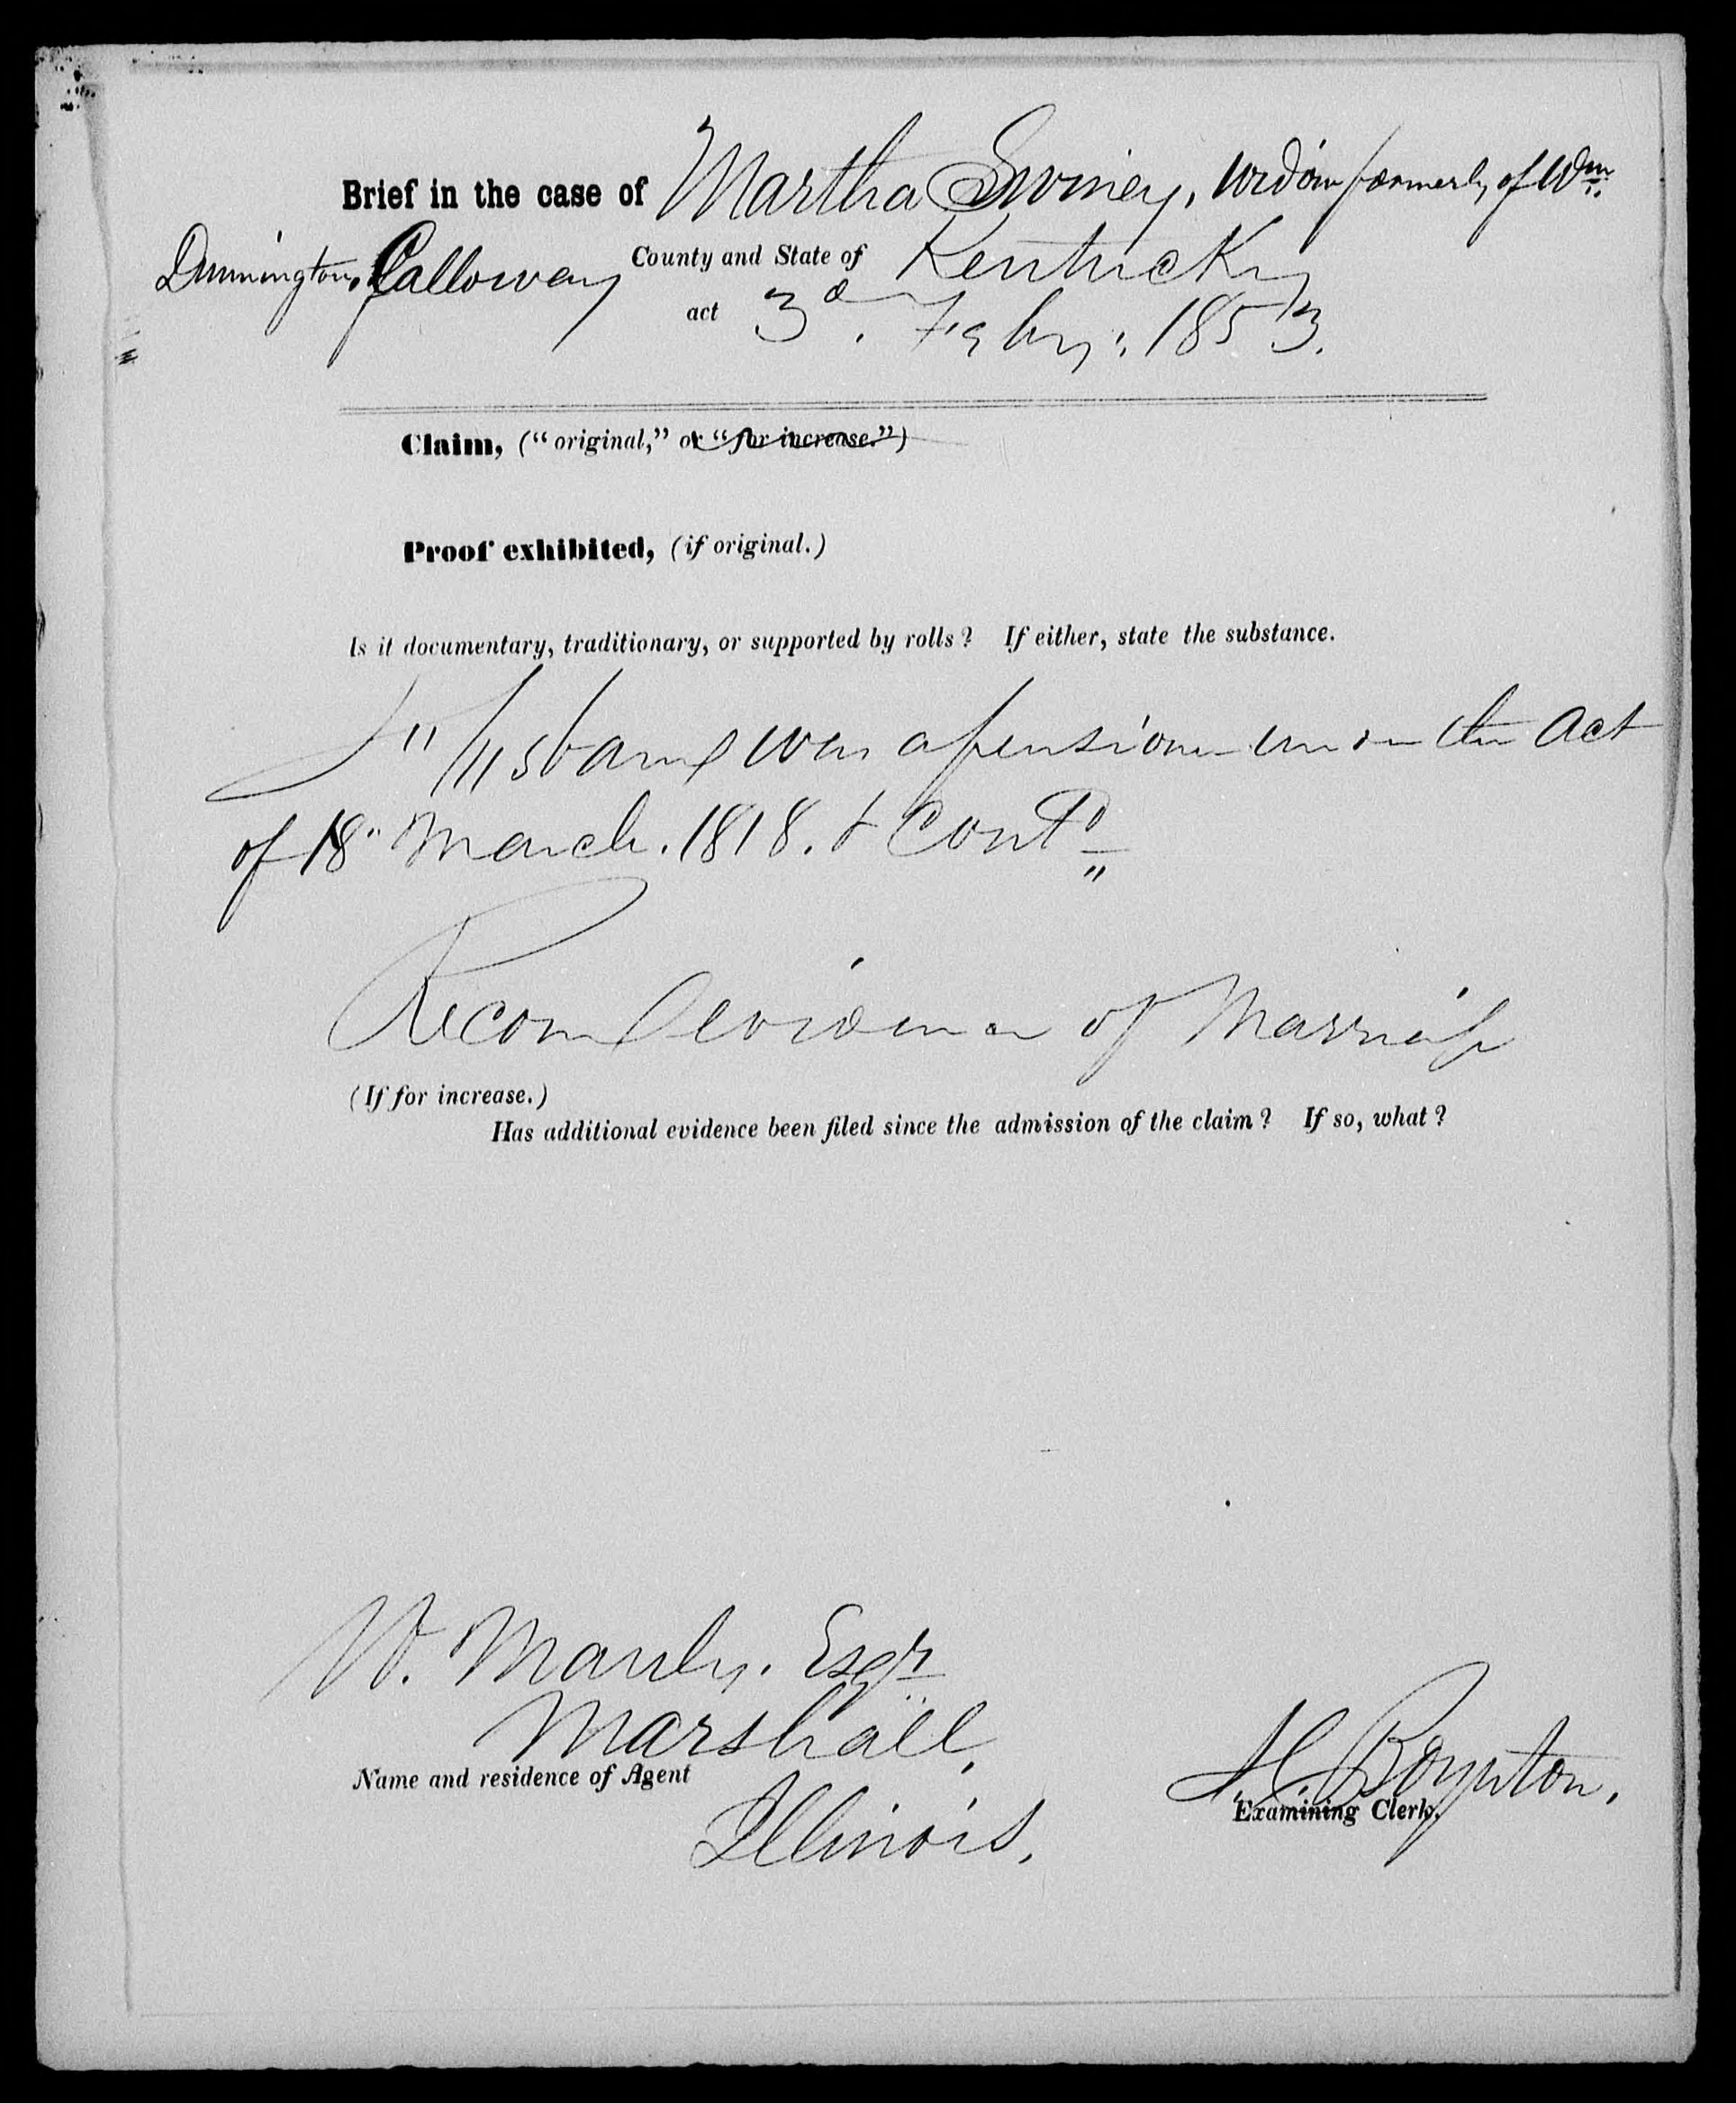Brief in the case of Martha Swiney, widow formerly of Wm Dunnington 
Calloway County and State of Kentucky 
act 3d Feby. 1853 
Claim, "original" [crossed out: or "for increase”]
 Proof exhibited, (if original.) 
Is it documentary, traditionary, or supported by rolls? If either, state the substance. 
The husband was a pensioner under the act of 18 March, 1818, & Cont 
Record evidence of Marriage (If for increase.) Has additional evience be filed since the admission of the claim? If so, what? 
W. Manly, Esqr Marshall Illinois
Name and residence of Agent Lynton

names: Martha Swiney, Wm Dunnington, S C Boynton, W Manly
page: 49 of 51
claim: widow's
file: W. 27,409, William Dunnington, Md.